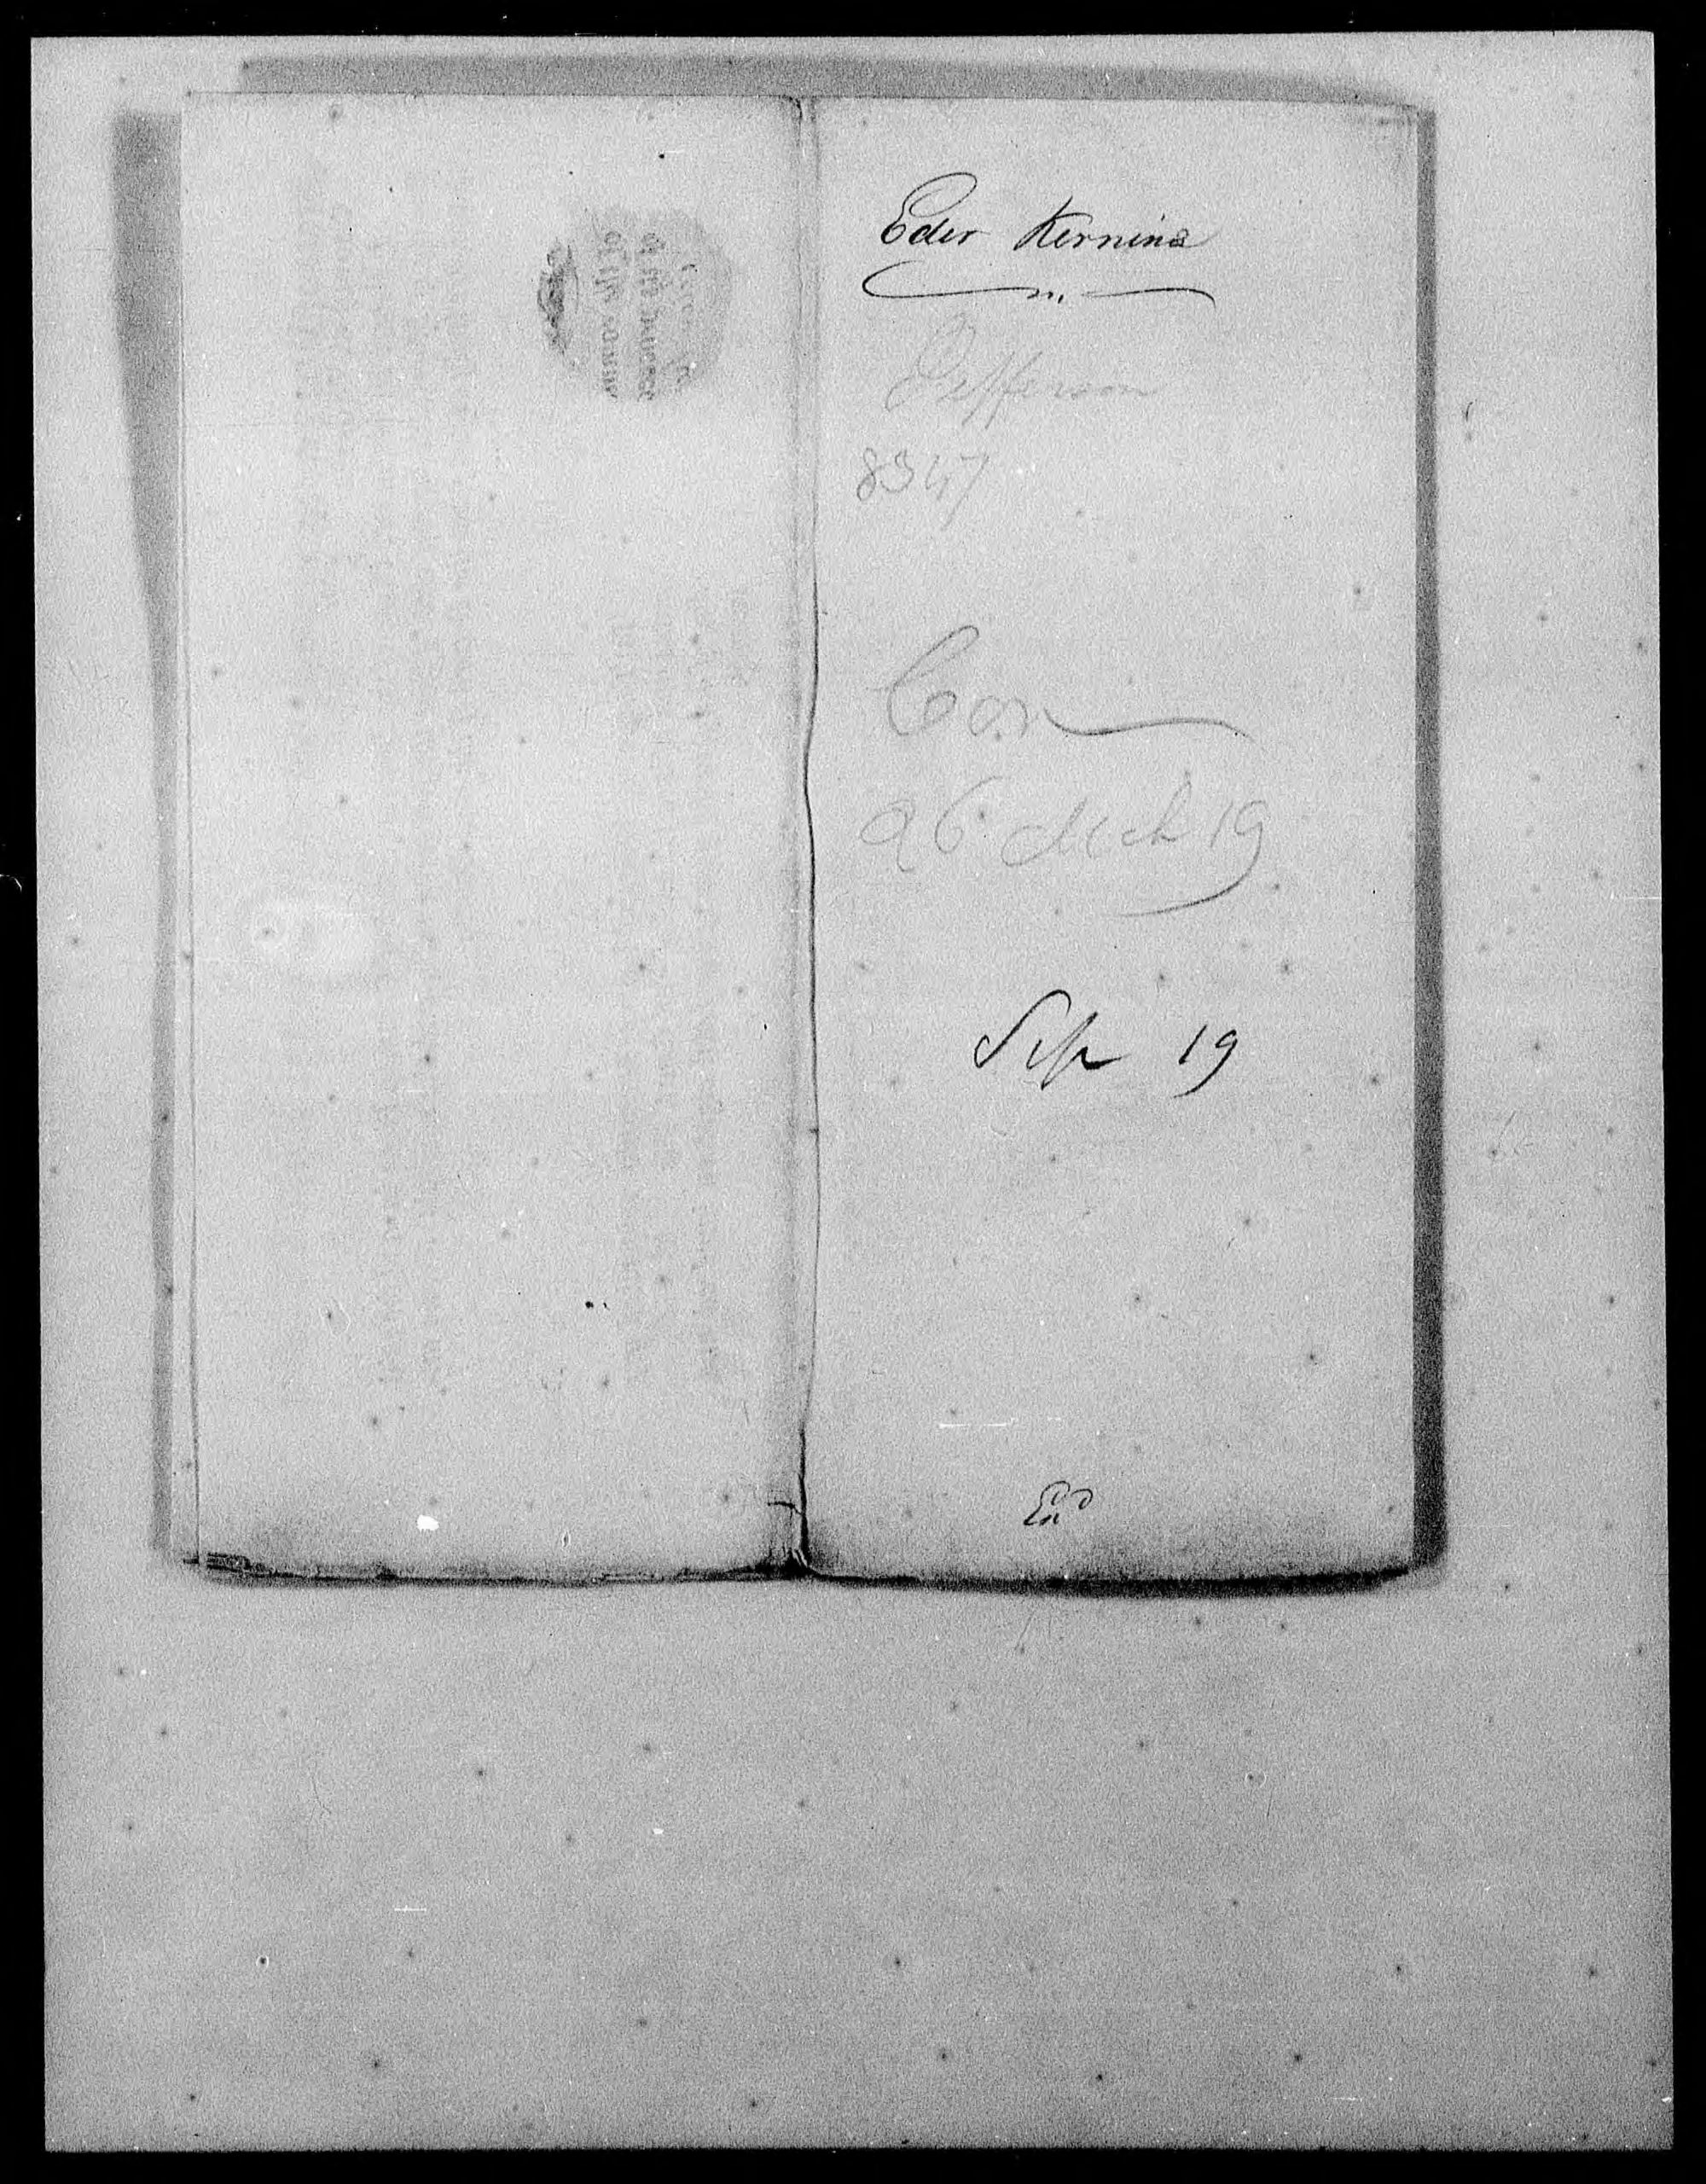Eder Kernine
Jefferson

8347
S
Con
Nich 19
Sep 19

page: 3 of 15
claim: survivor's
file: S. 33351, for Eder Kernine, New Jersey